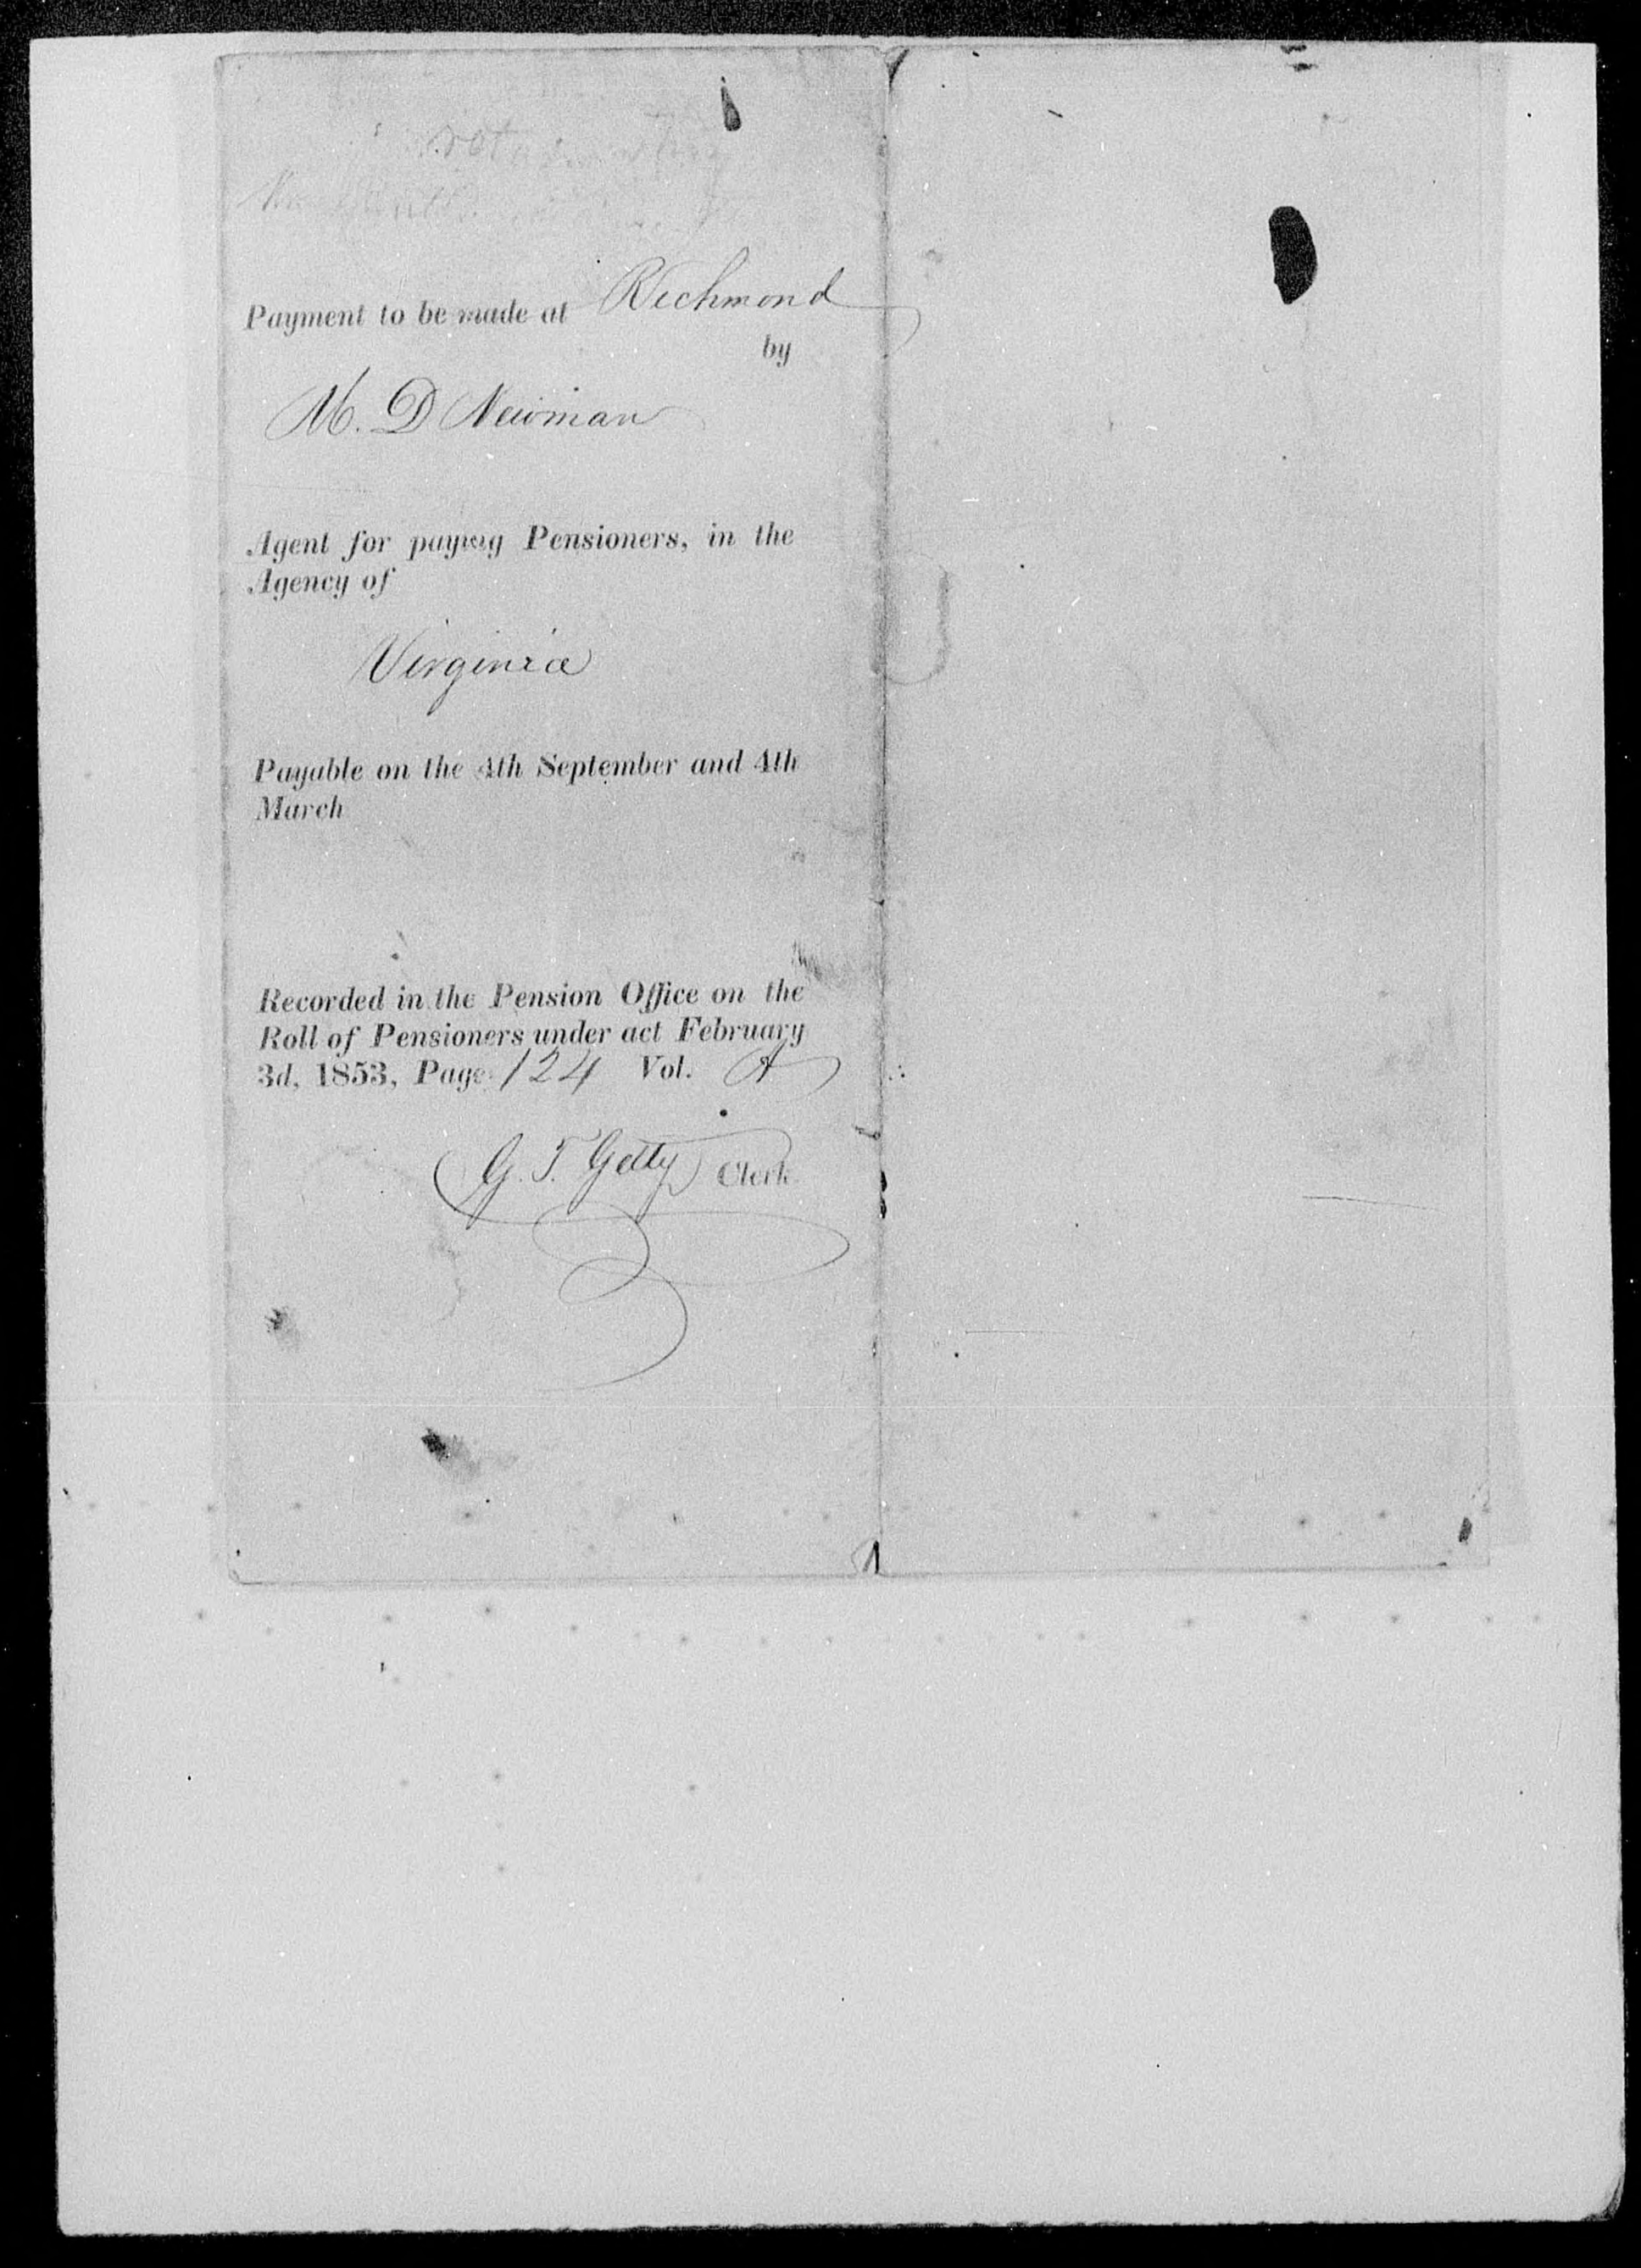[typed form, with handwritten responses]

Payment to be made at Richmond by M. D. Newman

Agent for paying Pensioners, in the Agency of Virginia

Payable on the 4th September and 4th March

Recorded in the Penson Office on the Roll of Pensioners under act February 3d, 1853, Pages 124 Vol. A.
G. T. Getty, Clerk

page: 28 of 33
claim: widow's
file: W. 550, for Leonard Hutts, Virginia